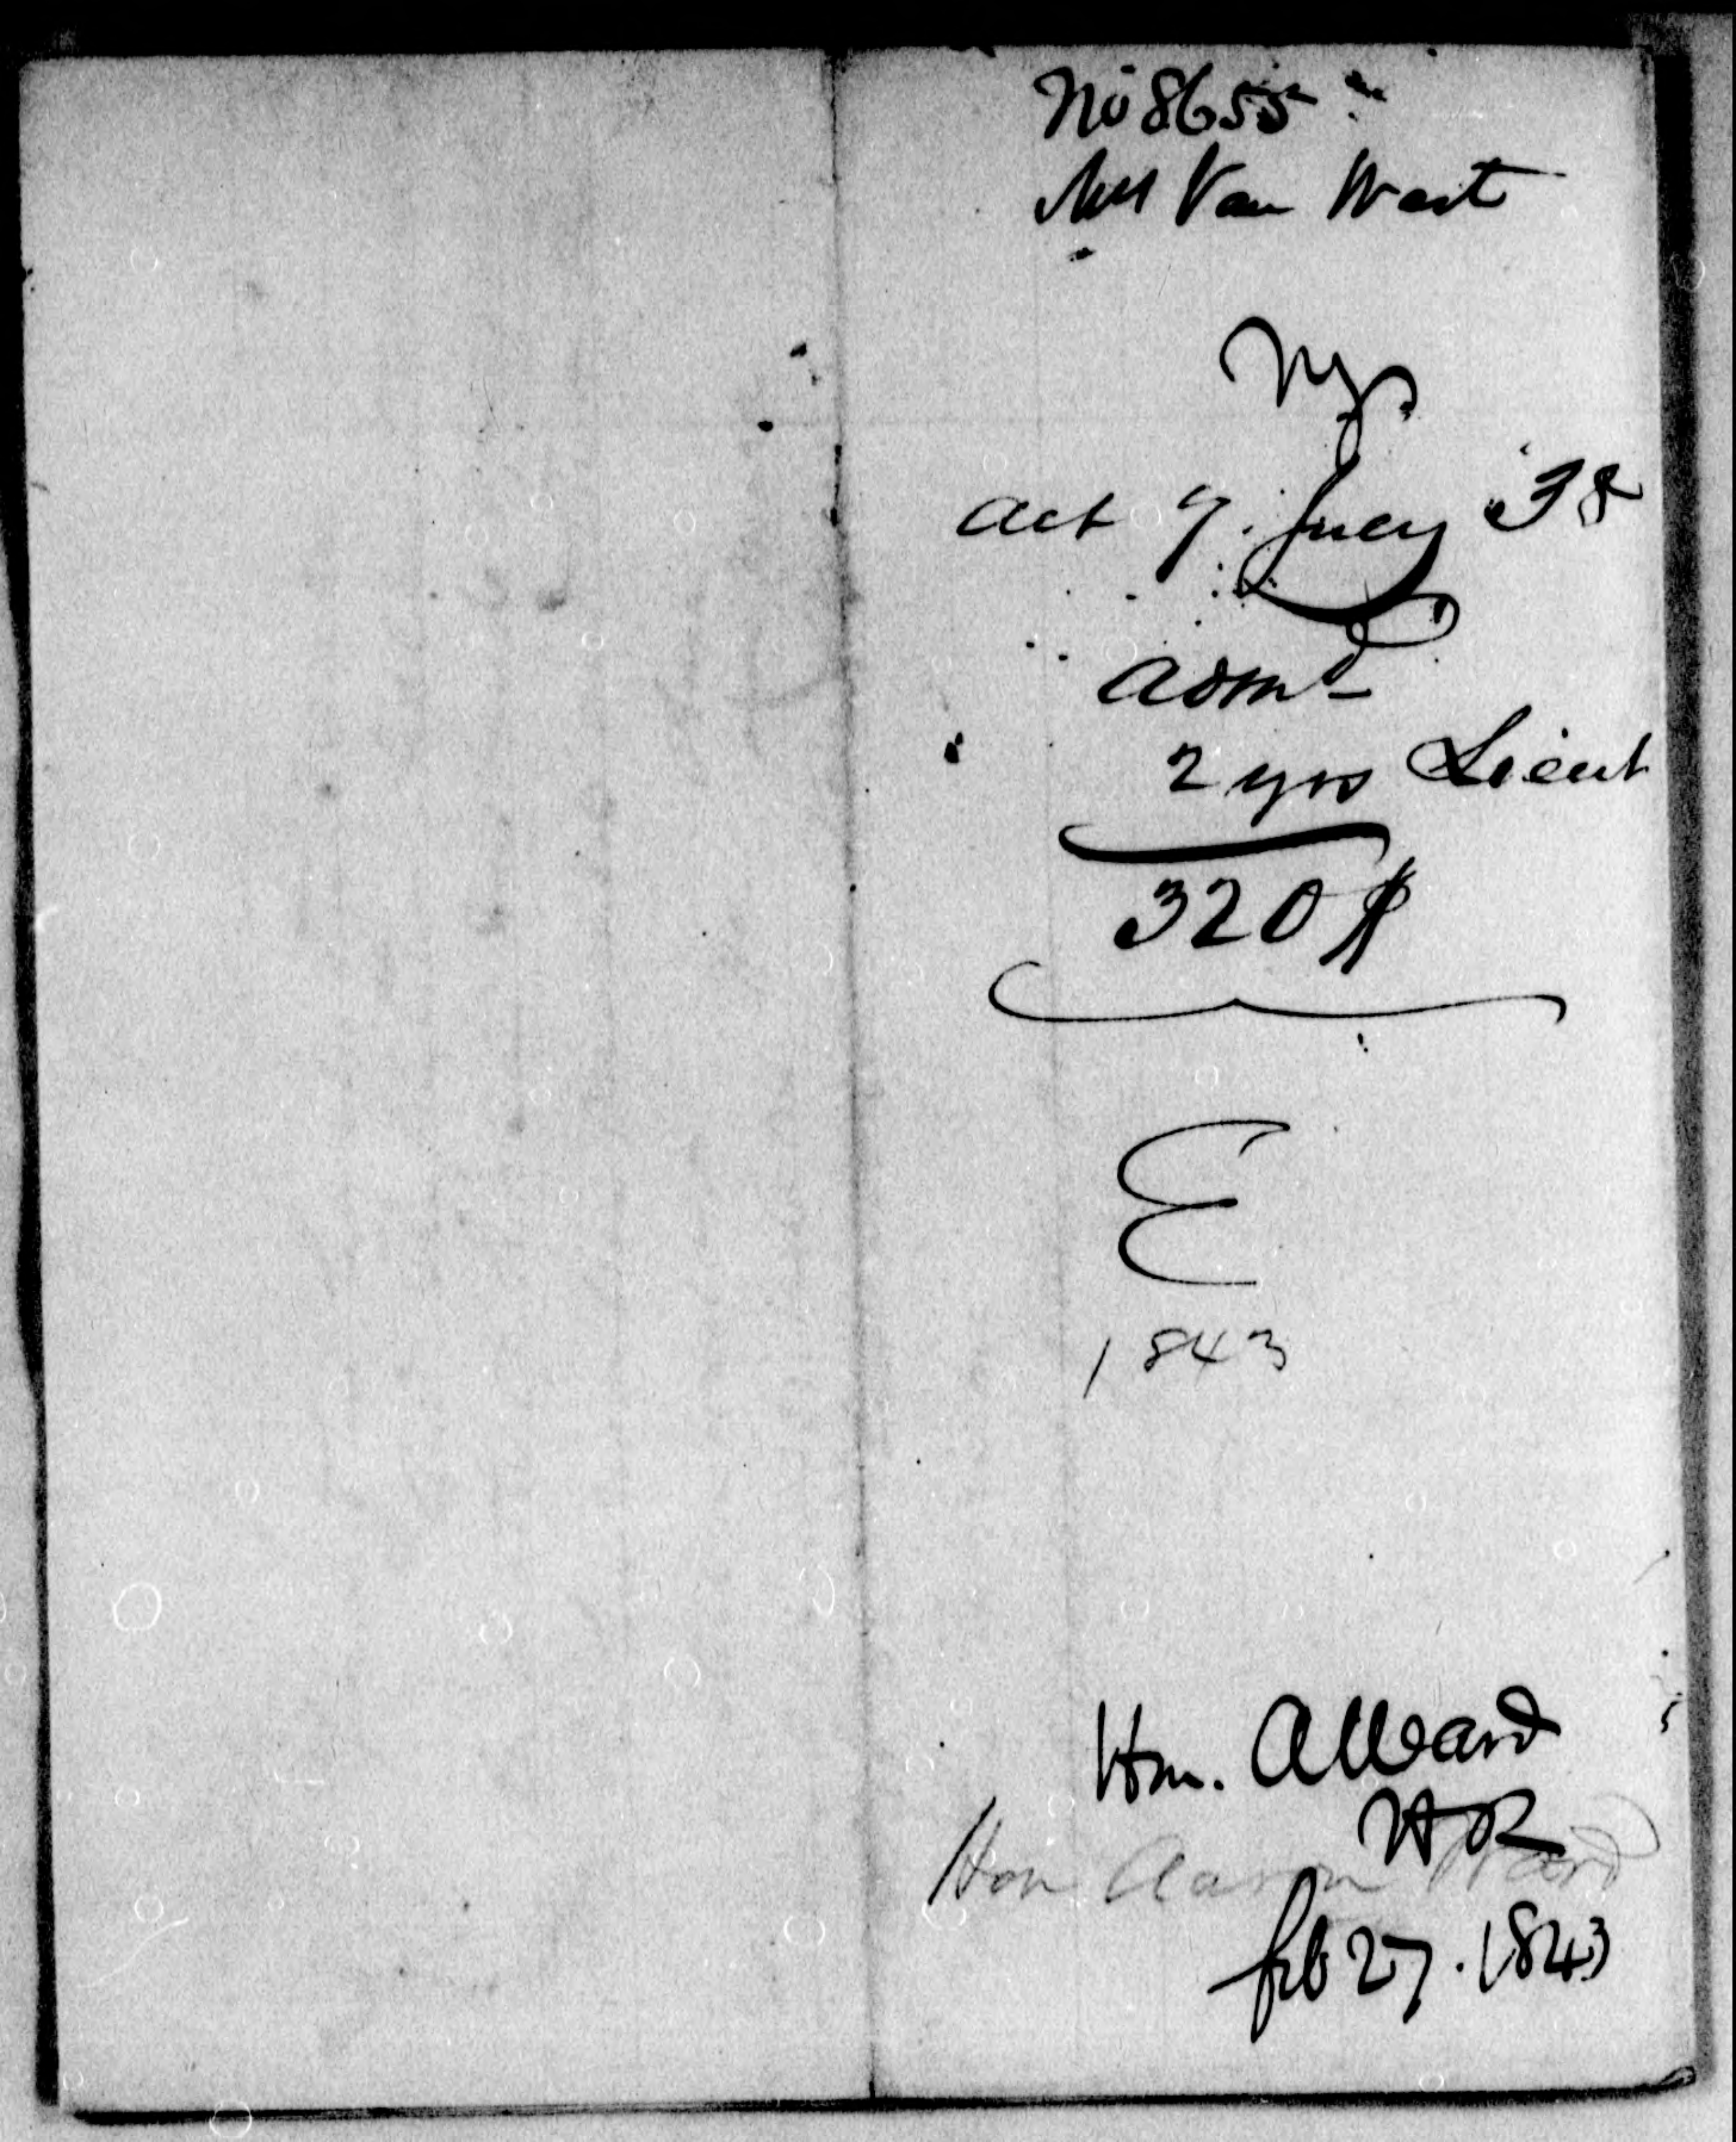No 8655
Amy Van Wart 
NY
Act 7 July ‘38 
admd 2 yrs Lieut 
320 $

Hon. A Ward 
HR 
Feb 27. 1843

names: A Ward, Aaron Ward, Van Wart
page: 92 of 102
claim: widow's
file: W. 18239, Isaac Van Wart, New York